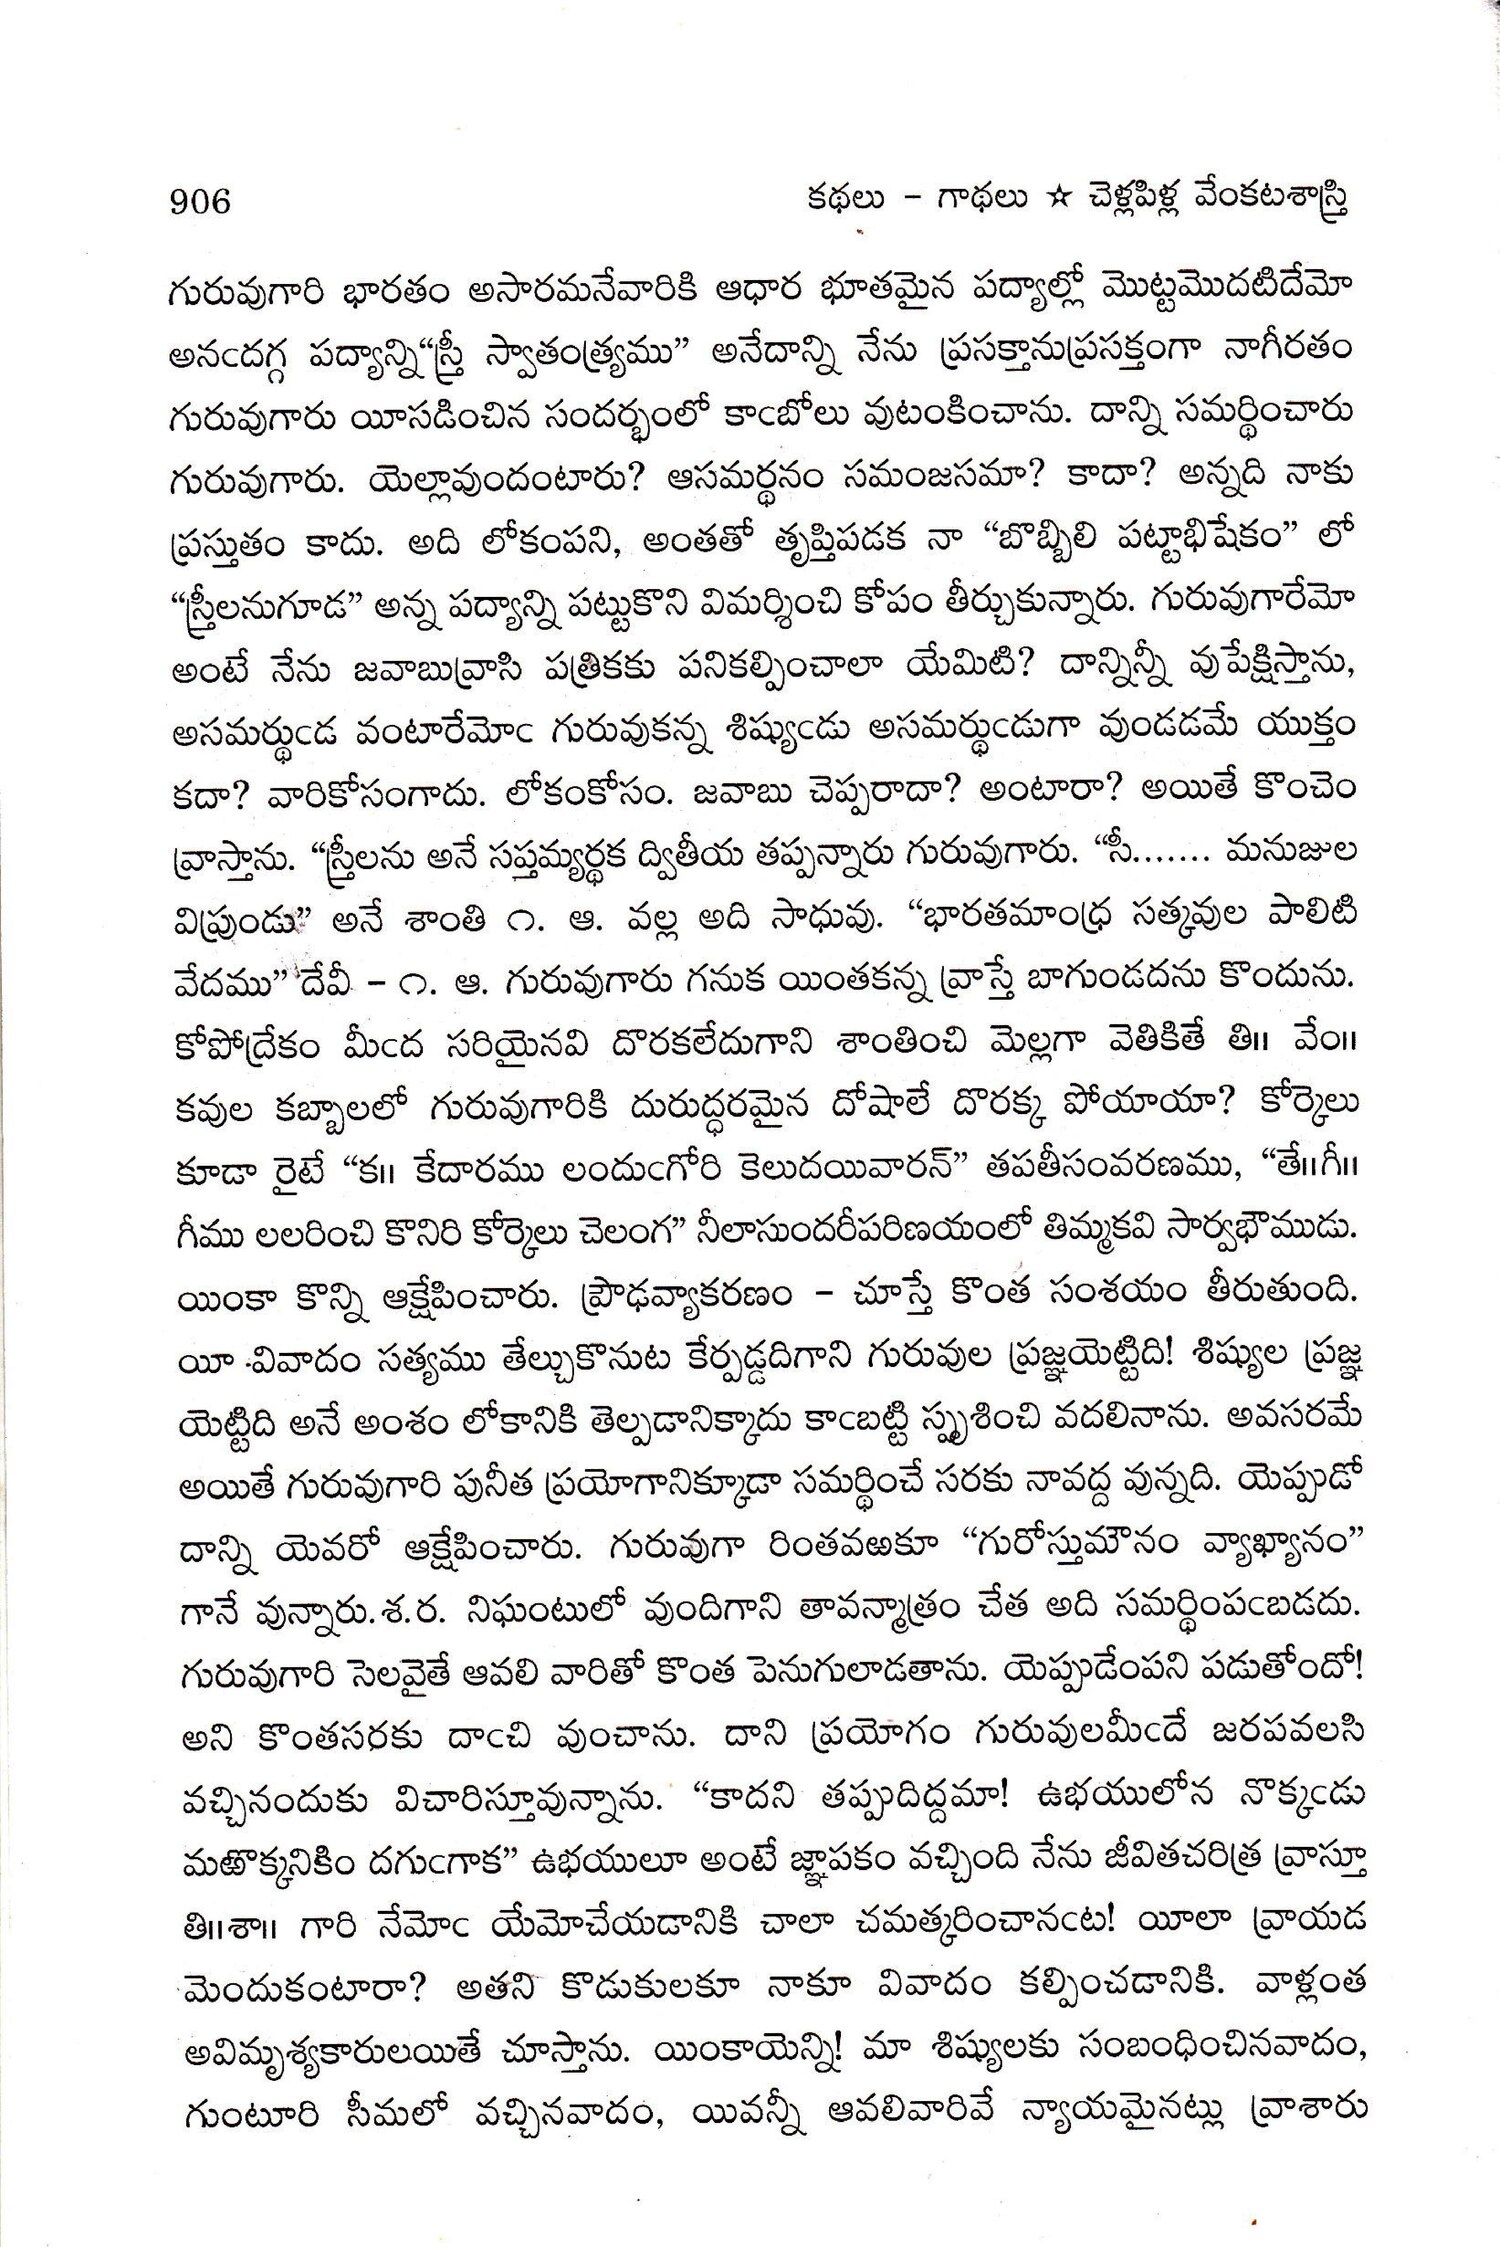గురువుగారి భారతం అసారమనేవారికి ఆధార భూతమైన పద్యాల్లో మొట్టమొదటిదేమో అనఁదగ్గ పద్యాన్ని "స్త్రీ స్వాతంత్ర్యము" అనేదాన్ని నేను ప్రసక్తానుప్రసక్తంగా నాగీరతం గురువుగారు యీసడించిన సందర్భంలో కాఁబోలు వుటంకించాను. దాన్ని సమర్ధించారు గురువుగారు. యెల్లావుందంటారు? ఆసమర్ధనం సమంజసమా? కాదా? అన్నది నాకు ప్రస్తుతం కాదు. అది లోకంపని, అంతతో తృప్తిపడక నా “బొబ్బిలి పట్టాభిషేకం" లో "స్త్రీలనుగూడ" అన్న పద్యాన్ని పట్టుకొని విమర్శించి కోపం తీర్చుకున్నారు. గురువుగారేమో అంటే నేను జవాబువ్రాసి పత్రికకు పనికల్పించాలా యేమిటి? దాన్నిన్నీ వుపేక్షిస్తాను, అసమర్థుఁడ వంటారేమోఁ గురువుకన్న శిష్యుఁడు అసమర్ధుఁడుగా వుండడమే యుక్తం కదా? వారికోసంగాదు. లోకంకోసం. జవాబు చెప్పరాదా? అంటారా? అయితే కొంచెం వ్రాస్తాను. “స్త్రీలను అనే సప్తమ్యర్థక ద్వితీయ తప్పన్నారు గురువుగారు. "సీ....... మనుజుల విప్రుండు” అనే శాంతి 1. ఆ. వల్ల అది సాధువు. “భారతమాంధ్ర సత్కవుల పాలిటి వేదము" దేవీ - 1. ఆ గురువుగారు గనుక యింతకన్న వ్రాస్తే బాగుండదను కొందును. కోపోద్రేకం మీఁద సరియైనవి దొరకలేదుగాని శాంతించి మెల్లగా వెతికితే తి|| వేం|| కవుల కబ్బాలలో గురువుగారికి దురుద్ధరమైన దోషాలే దొరక్క పోయాయా? కోర్కెలు కూడా రైటే “క|| కేదారము లందుఁగోరి కెలుదయివారన్" తపతీసంవరణము, “తే||గీ|| గీము లలరించి కొనిరి కోర్కెలు చెలంగ" నీలాసుందరీపరిణయంలో తిమ్మకవి సార్వభౌముడు. యింకా కొన్ని ఆక్షేపించారు. ప్రౌఢవ్యాకరణం - చూస్తే కొంత సంశయం తీరుతుంది. యీ వివాదం సత్యము తేల్చుకొనుట కేర్పడ్డదిగాని గురువుల ప్రజ్ఞయెట్టిది! శిష్యుల ప్రజ్ఞ యెట్టిది అనే అంశం లోకానికి తెల్పడానిక్కాదు కాఁబట్టి సృశించి వదలినాను. అవసరమే అయితే గురువుగారి పునీత ప్రయోగానిక్కూడా సమర్థించే సరకు నావద్ద వున్నది. యెప్పుడో దాన్ని యెవరో ఆక్షేపించారు. గురువుగా రింతవఱకూ “గురోస్తుమౌనం వ్యాఖ్యానం" గానే వున్నారు.శ.ర. నిఘంటులో వుందిగాని తావన్మాత్రం చేత అది సమర్ధింపఁబడదు. గురువుగారి సెలవైతే ఆవలి వారితో కొంత పెనుగులాడతాను. యెప్పుడేంపని పడుతోందో! అని కొంతసరకు దాఁచి వుంచాను. దాని ప్రయోగం గురువులమీఁదే జరపవలసి వచ్చినందుకు విచారిస్తూవున్నాను. “కాదని తప్పుదిద్దమా! ఉభయులోన నొక్కఁడు మఱొక్కనికిం దగుఁగాక” ఉభయులూ అంటే జ్ఞాపకం వచ్చింది నేను జీవితచరిత్ర వ్రాస్తూ తి||శా|| గారి నేమోఁ యేమోచేయడానికి చాలా చమత్కరించానఁట! యీలా వ్రాయడ మెందుకంటారా? అతని కొడుకులకూ నాకూ వివాదం కల్పించడానికి. వాళ్లంత అవిమృశ్యకారులయితే చూస్తాను. యింకాయెన్ని! మా శిష్యులకు సంబంధించినవాదం, గుంటూరి సీమలో వచ్చినవాదం, యివన్నీ ఆవలివారివే న్యాయమైనట్లు వ్రాశారు